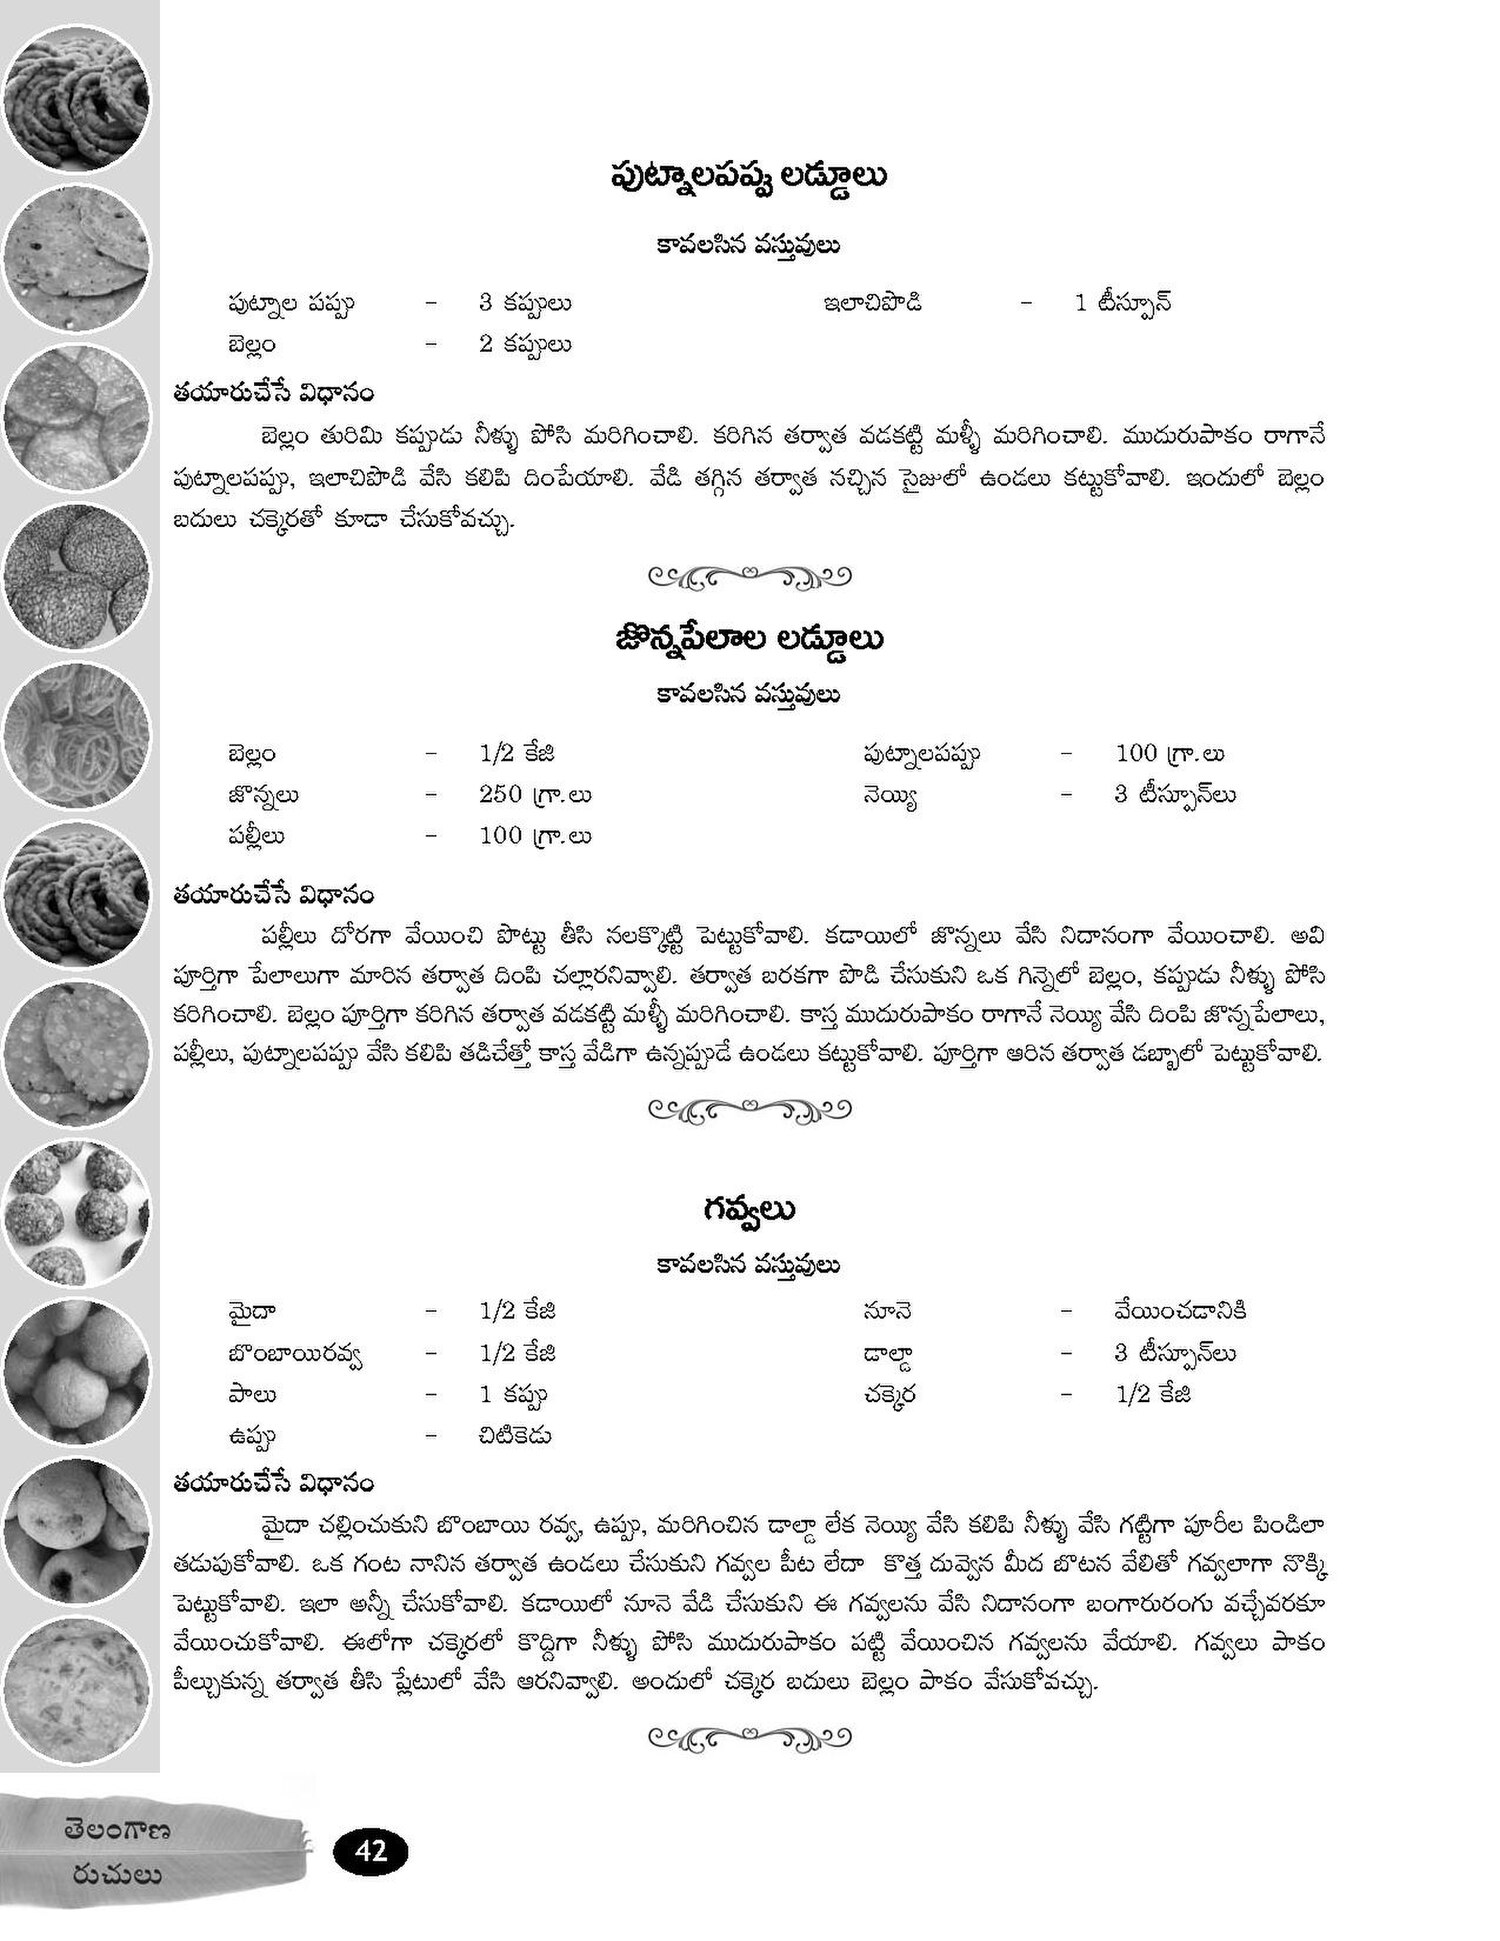+ కావలసిన వస్తువులు పుట్నాల పప్పు 3 కప్పులు బెల్లం 2 కప్పులు ఇలాచి పొడి 1 టీస్పూన్ 

తయారుచేసే విధానం 

బెల్లం తురిమి కప్పుడు నీళ్ళు పోసి మరిగించాలి. కరిగిన తర్వాత వడకట్టి మళ్ళీ మరిగించాలి. ముదురుపాకం రాగానే
పుట్నాలపప్పు, ఇలాచిపొడి వేసి కలిపి దింపేయాలి. వేడి తగ్గిన తర్వాత నచ్చిన సైజులో ఉండలు కట్టుకోవాలి. ఇందులో బెల్లం బదులు చక్కెరతో కూడా చేసుకోవచ్చు.

+ కావలసిన వస్తువులు పుట్నాల పప్పు 100 గ్రా.లు నెయ్యి 3 టీస్పూన్లు బెల్లం 1/2 కేజి. పల్లీలు 100 గ్రా.లు జొన్నలు 250 గ్రా.లు 

తయారుచేసే విధానం 

పల్లీలు దోరగా వేయించి పొట్టు తీసి నలక్కొట్టి పెట్టుకోవాలి. కడాయిలో జొన్నలు వేసి నిదానంగా వేయించాలి. అవి
పూర్తిగా పేలాలుగా మారిన తర్వాత దింపి చల్లారనివ్వాలి. తర్వాత బరకగా పొడి చేసుకుని ఒక గిన్నెలో బెల్లం, కప్పుడు నీళ్ళు పోసి కరిగించాలి. బెల్లం పూర్తిగా కరిగిన తర్వాత వడకట్టి మళ్ళీ మరిగించాలి. కాస్త ముదురుపాకం రాగానే నెయ్యి వేసి దింపి జొన్నపేలాలు, పల్లీలు, పుట్నాలపప్పు వేసి కలిపి తడిచేత్తో కాస్త వేడిగా ఉన్నప్పుడే ఉండలు కట్టుకోవాలి. పూర్తిగా ఆరిన తర్వాత డబ్బాలో పెట్టుకోవాలి.

+ కావలసిన వస్తువులు మైదా 1/2 కేజి. నూనె వేయించడానికి బొంబాయిరవ్వ 1/2 కేజి. డాల్డా 3 టీస్పూన్లు పాలు 1 కప్పు చక్కెర 1/2 కేజి. ఉప్పు చిటికెడు 

తయారుచేసే విధానం 

మైదా చల్లించుకుని బొంబాయి రవ్వ, ఉప్పు, మరిగించిన డాల్డా లేక నెయ్యి వేసి కలిపి నీళ్ళు వేసి గట్టిగా పూరీల పిండిలా తడుపుకోవాలి. ఒక గంట నానిన తర్వాత ఉండలు చేసుకుని గవ్వల పీట లేదా కొత్త దువ్వెన మీద బొటన వేలితో గవ్వలాగా నొక్కి పెట్టుకోవాలి. ఇలా అన్నీ చేసుకోవాలి. కడాయిలో నూనె వేడి చేసుకుని ఈ గవ్వలను వేసి నిదానంగా బంగారురంగు వచ్చేవరకూ వేయించుకోవాలి. ఈలోగా చక్కెరలో కొద్దిగా నీళ్ళు పోసి ముదురుపాకం పట్టి వేయించిన గవ్వలను వేయాలి. గవ్వలు పాకం పీల్చుకున్న తర్వాత తీసి ప్లేటులో వేసి ఆరనివ్వాలి. అందులో చక్కెర బదులు బెల్లం పాకం వేసుకోవచ్చు.